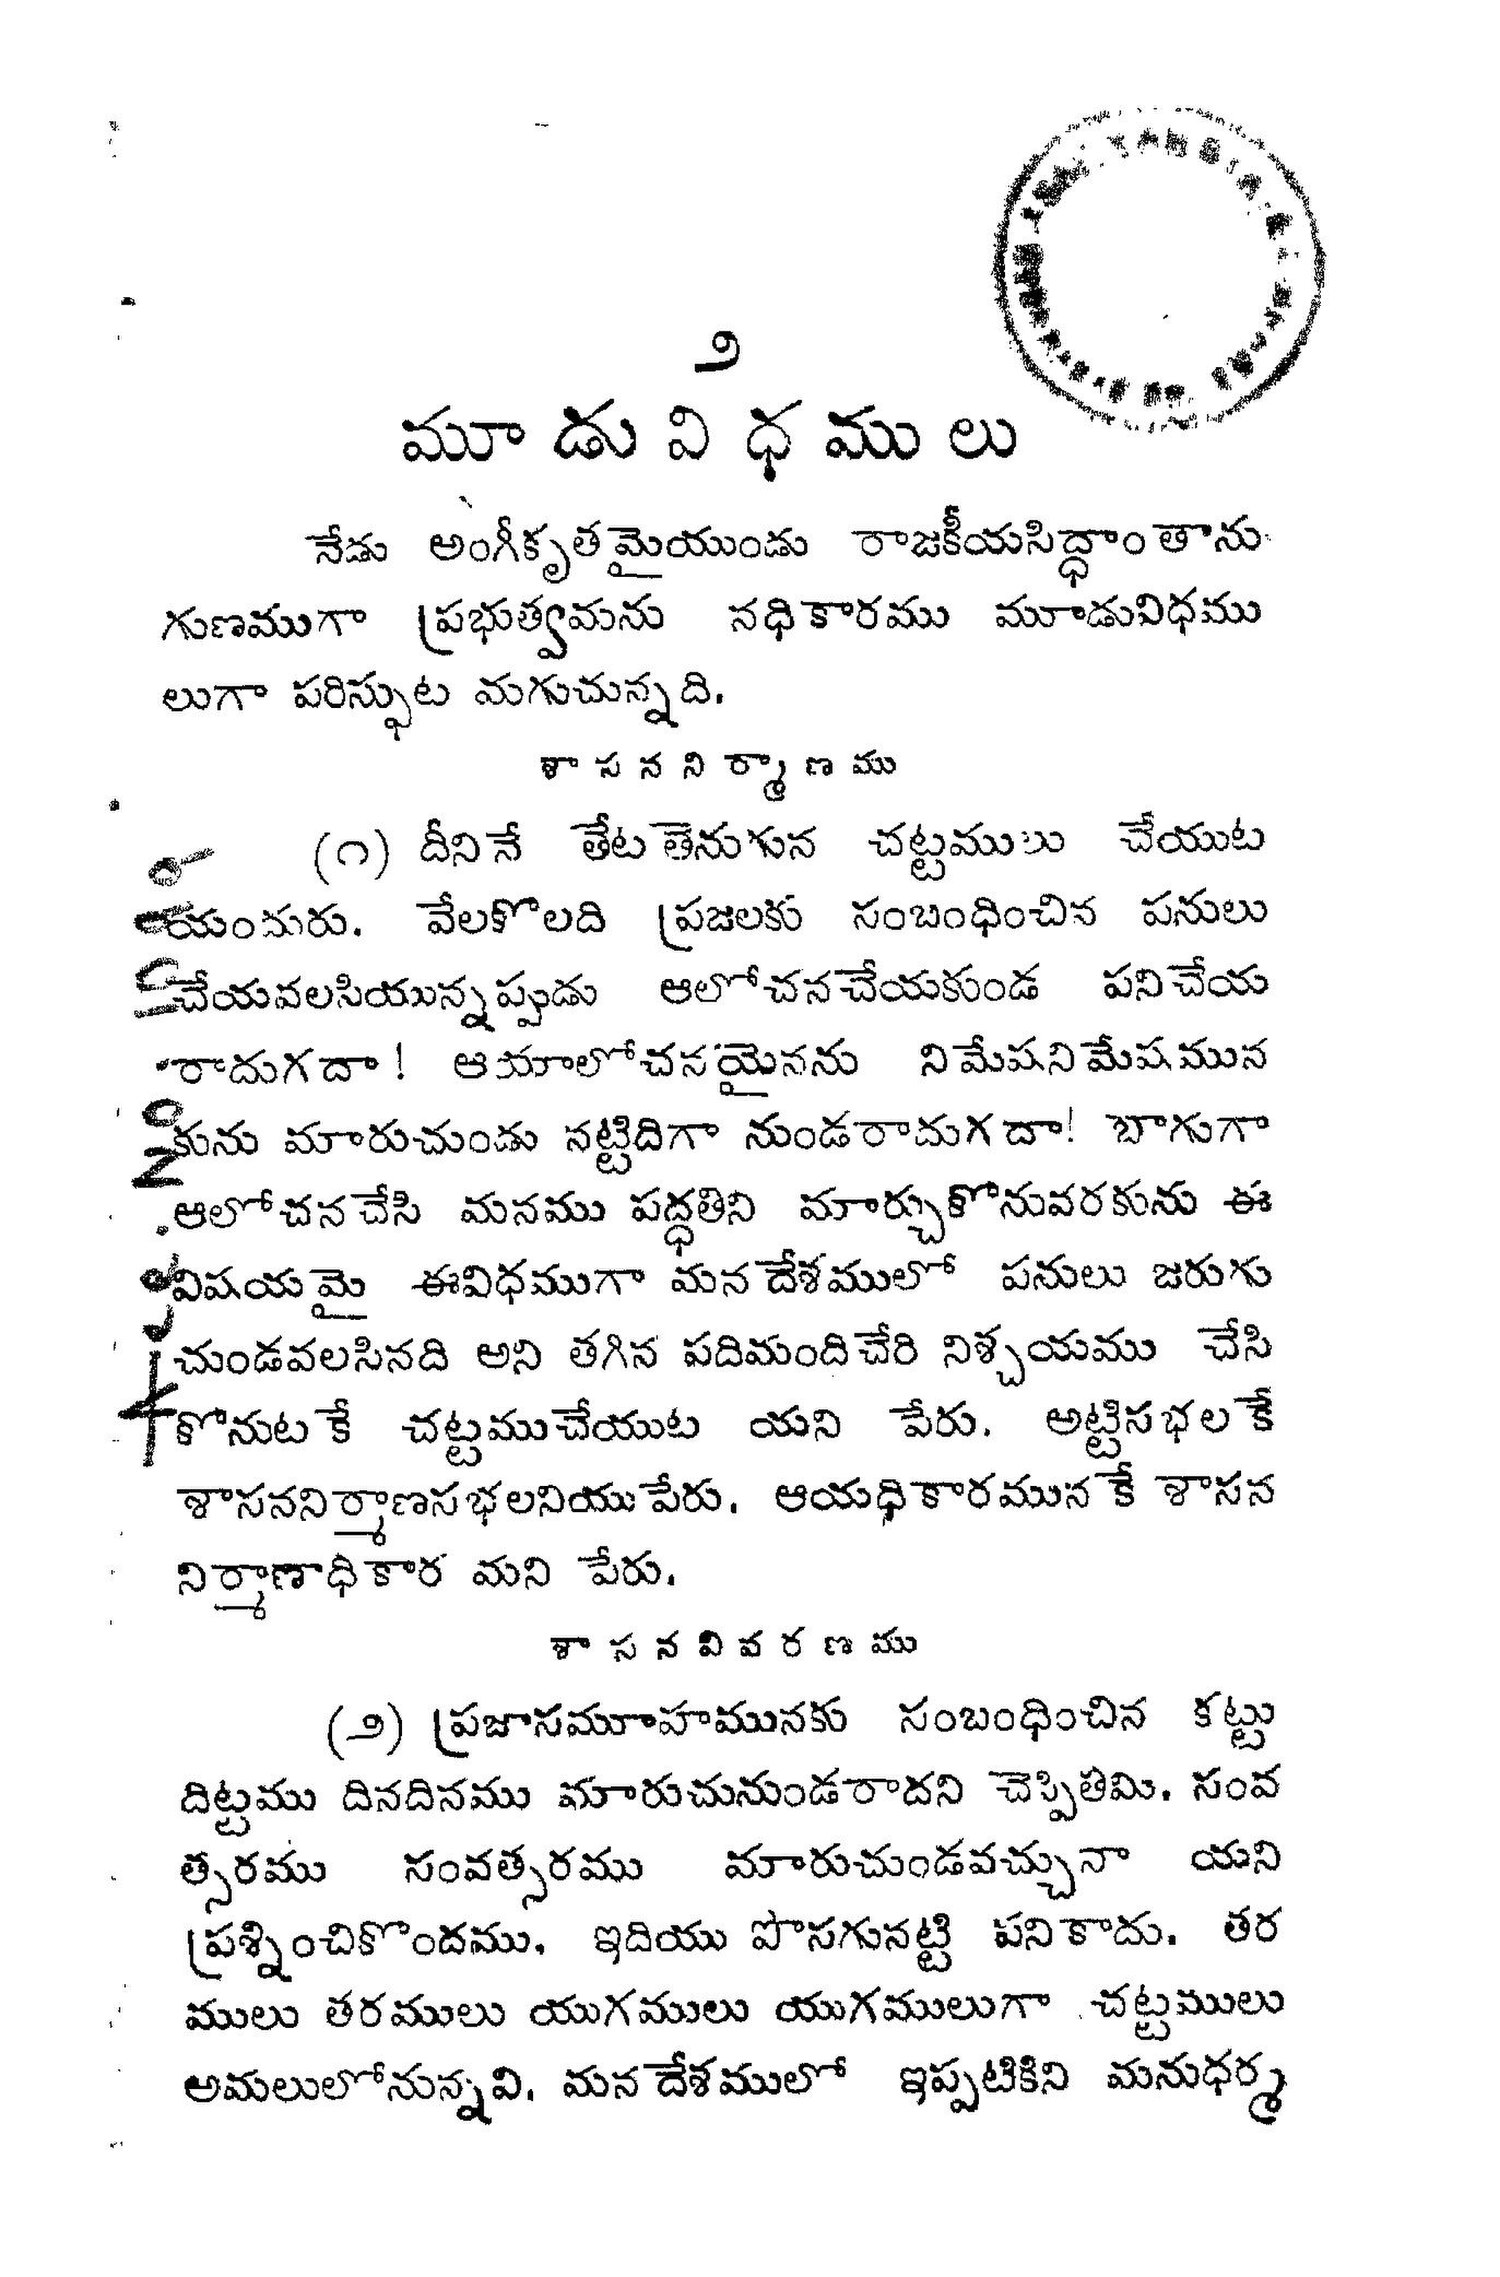2
మూడు విధములు

నేడు అంగీకృతమైయుండు రాజకీయసిద్ధాంతానుగుణముగా ప్రభుత్వమను నధికారము మూడువిధములుగా పరిస్ఫుట మగుచున్నది.

(1) దీనినే తేట తెనుగున చట్టములు చేయుట యందురు. వేలకొలది ప్రజలకు సంబంధించిన పనులు చేయవలసియున్నప్పుడు ఆలోచనచేయకుండ పనిచేయ రాదుగదా! ఆయాలోచనయైనను నిమేషనిమేషమునకును మారుచుండు నట్టిదిగా నుండరాదుగదా! బాగుగా ఆలోచనచేసి మనము పద్ధతిని మార్చుకొనువరకును ఈవిషయమై ఈవిధముగా మనదేశములో పనులు జరుగుచుండ వలసినది అని తగిన పదిమందిచేరి నిశ్చయము చేసికొనుటకే చట్టముచేయుట యని పేరు. అట్టిసభలకే శాసననిర్మాణసభలనియుపేరు. ఆయధికారమునకే శాసన నిర్మాణాధికార మని పేరు.

(2) ప్రజాసమూహమునకు సంబంధించిన కట్టుదిట్టము దినదినము మారుచునుండరాదని చెప్పితమి. సంవత్సరము సంవత్సరము మారుచుండవచ్చునా యని ప్రశ్నించికొందము. ఇదియు పొసగునట్టి పనికాదు. తరములు తరములు యుగములు యుగములుగా చట్టములు అమలులో నున్నవి. మనదేశములో ఇప్పటికిని మనుధర్మ